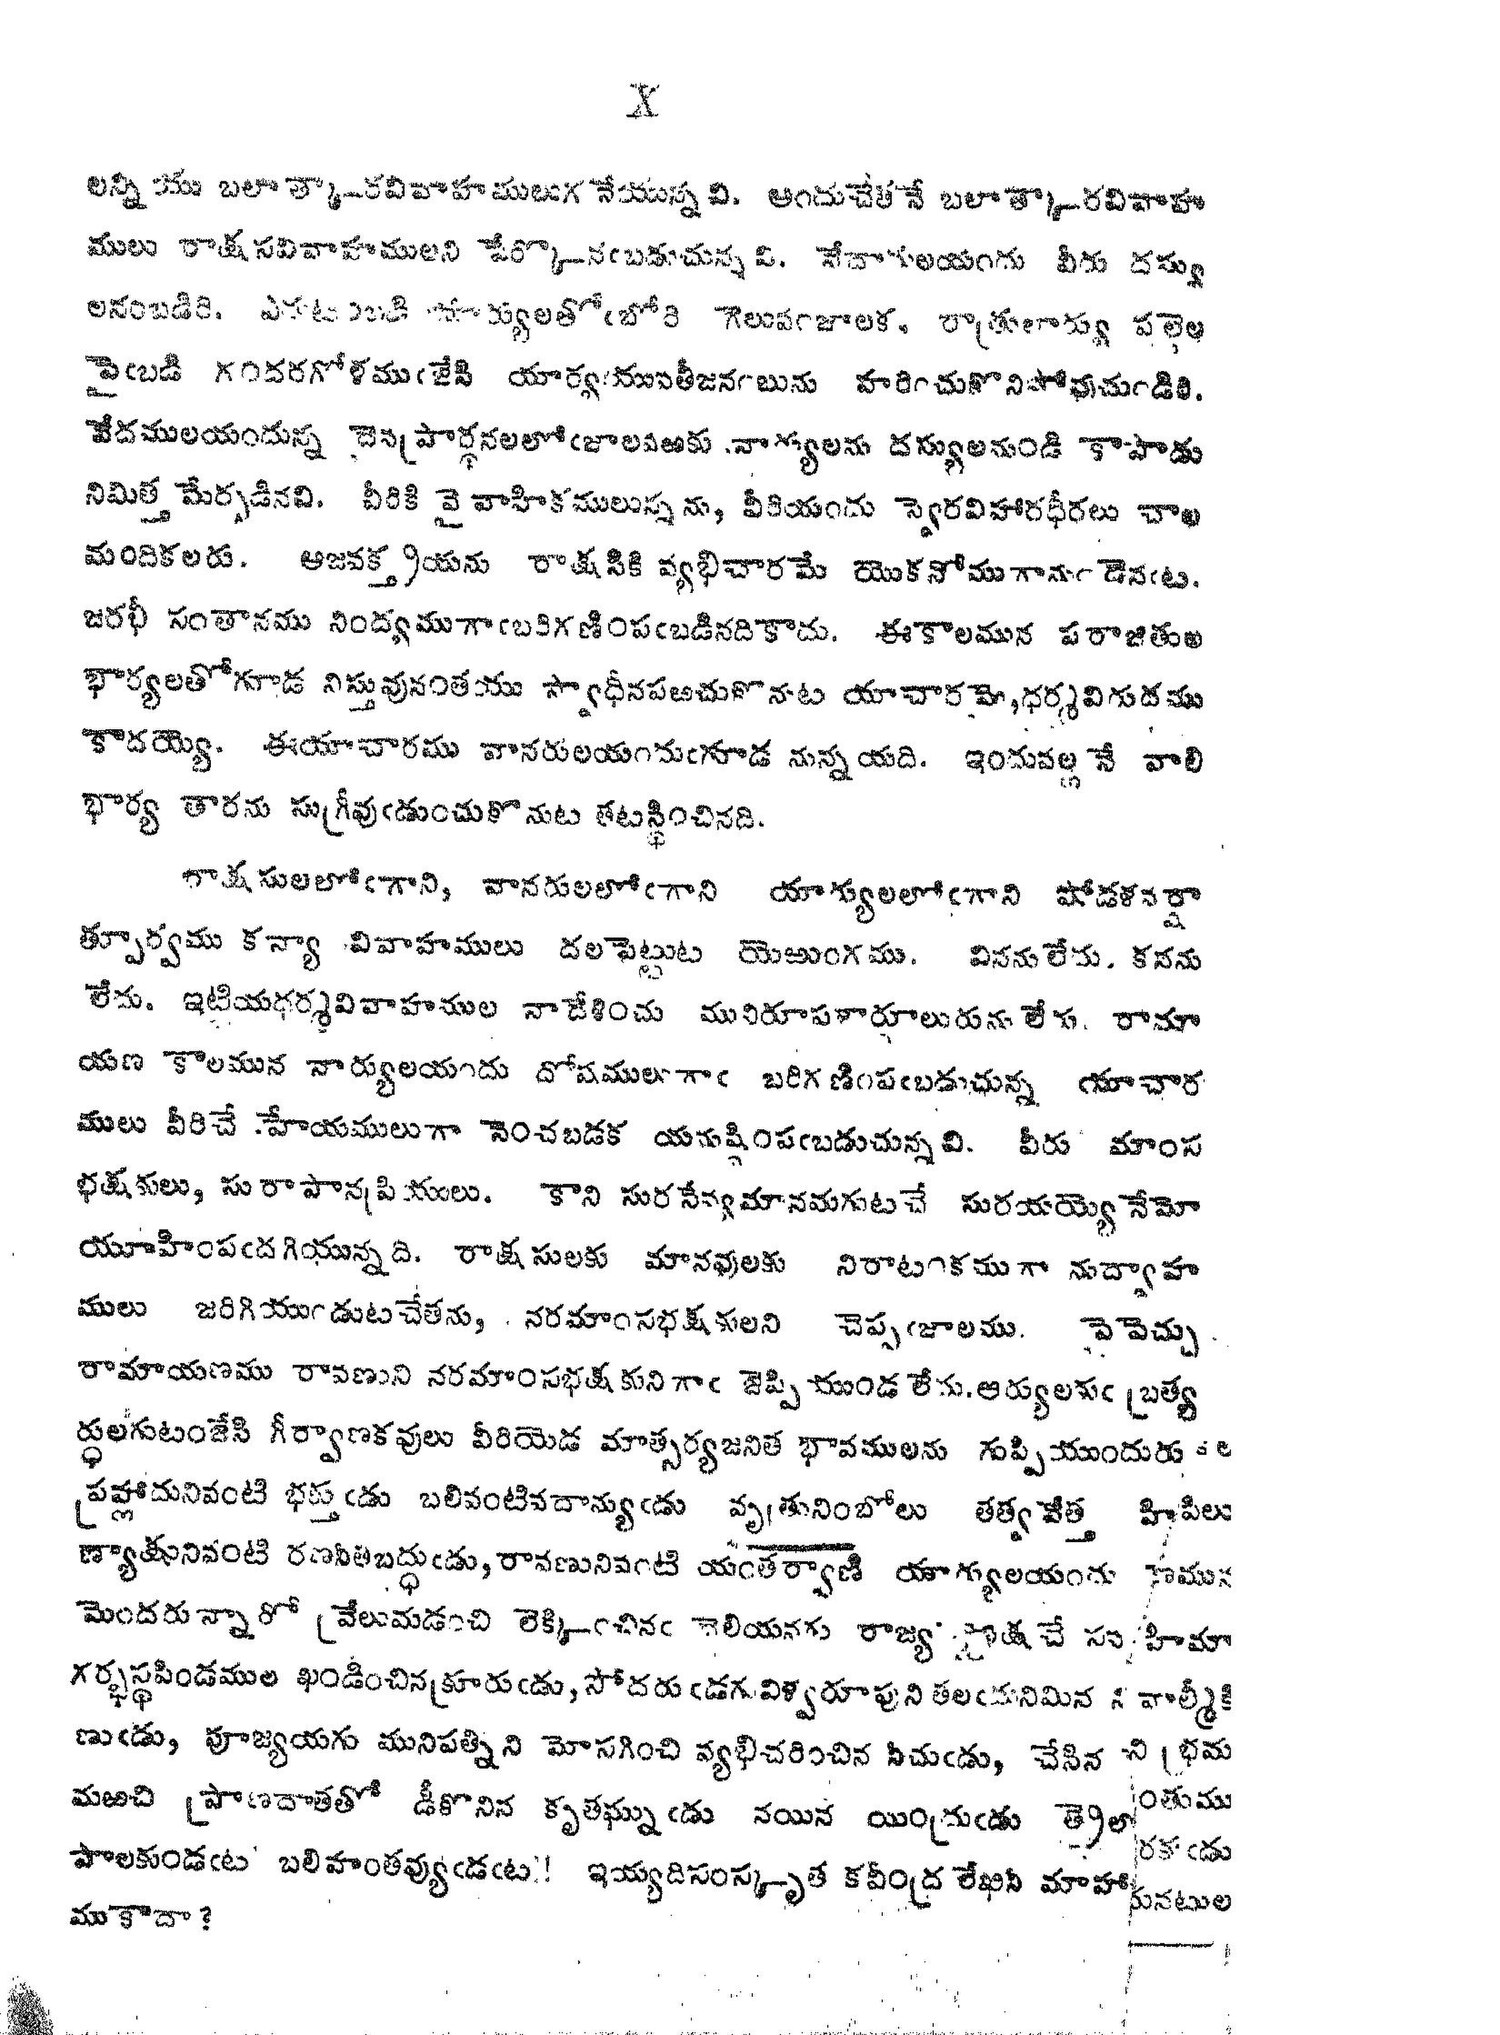లన్నీయు బలాత్కార వివాహములుగనే యున్నవి. అందు చేతనే బలాత్కార వివాహ
ములు రాక్షస వివాహములని పేర్కొనఁబడు చున్నవి. వేదాదుల యందు వీరు దస్యు
లనంబడిరి. ఎదుటబడి ఆర్యులతో బోరి గెలువ జాలక రాత్రులార్యుల పల్లెల 
పై బడి గందరగోళముఁజేసి యార్యుల యువతీ జనంబును హరించుకొని పోవు చుండిరి 
వేదముల యందున్న దేవ ప్రార్ధనలలో జాలవఱకు ఆర్యులను దస్యులనుండి కాపాడు
నిమిత్త మేర్పడినవి. వీరికి వైవాహికము లున్నను, వీరియందు స్వైర విహార ధీరలు చాల
మంది కలరు.అజనక్త్రయను రాక్షుసికి వ్యభిచారమే యొక నోము గానుఁండెనట.
జరభీ సంతానము నింద్యముగాఁ బరిగణింపఁ బడినది కాదు. ఈకాలమున పరాజితుల
భార్యలతో గూడ వానివస్తువు నంతయు స్వాధీన పఱచు కొనట యాచారమె,ధర్మ విరుద్ధము కాదయ్యె, ఈ యాచారము వానరులయందుగూడ నున్నయది. ఇందువల్లనే వాలి భార్య తారను సుగ్రీవుఁడుంచు కొనుట తటస్థించినది.

రాక్షసులలో గాని, వానరులలోఁగాని యార్యులలో గాని షోడశవర్షా
త్పూర్వము కన్యా వివాహములు దల పెట్టుట యెఱుంగము. వినను లేదు కనను
లేదు. ఇట్టియధర్మ వివాహముల నాదేశించు మునిరూపశార్దూలురును లేరు. రామా
యణ కాలమున నార్యులయందు దోషములుగాఁ బరిగణిం పబడుచున్న యాచార
ములు వీరిచే . హేయములుగా నెంచ బడక యనుష్టింపఁ బడుచున్నవి. వీరు మాంస
భక్షకులు, సురాపాన ప్రియులు. కాని సుర సేవ్యమాన మగుటచే సురయయ్యె నేమో
యూహింపఁద గియున్నది. రాక్షసులకు మానవులకు నిరాటంకముగా నుద్వాహ
ములు జరిగి యుండుట చేతను, నర మాంస భక్షకులని చెప్పఁజాలము. పైపెచ్చు
రామాయణము రావణుని నరమాంస భక్షకునిగాఁ జెప్పి ముండ లేదు. ఆర్యులకుఁ బ్రత్య
ర్ధులగుటం జేసి గీర్వాణకవులు వీరియెడ మాత్సర్య జనిత భావములను గుప్పియుందురు 
పహ్లాదుని వంటి భక్తుఁడు బలివంటి వదాస్యుడు వృశునింబోలు తత్వవేత్త హపిలు
ణ్యాక్షునివంటి రణనీతి బక్తుడు, రావణునివంటి యంతర్వాణి యాగ్యలయందు మున
మెందరున్నారో వేలు మడంచి లెక్కించినఁ తెలియనగు రాజ్య పాత్రచే .....సు హిమా
గర్భస్థ పిండముల ఖండించిన క్రూరుఁడు, సోదరుఁడగు విశ్వరూపుని తలఁ దునిమిన వాల్మీకిణుఁడు, పూజ్యయగు ముని పత్నిని మోసగించి వ్యభిచరించిన నీచుఁడు, చేసిన 
చిత్భ్రమంయు మఱచి ప్రాణదాతతో డీకొనిన కృతమ్నుడు నయిన ఇంద్రుడు త్రైలోకుడు 
పొలకుండఁట' బలిహంతవ్యుఁడఁట!! ఇయ్యది సంస్కృత కవీంద్ర లేఖినీ మాహామనుటల 
ముకాదా?